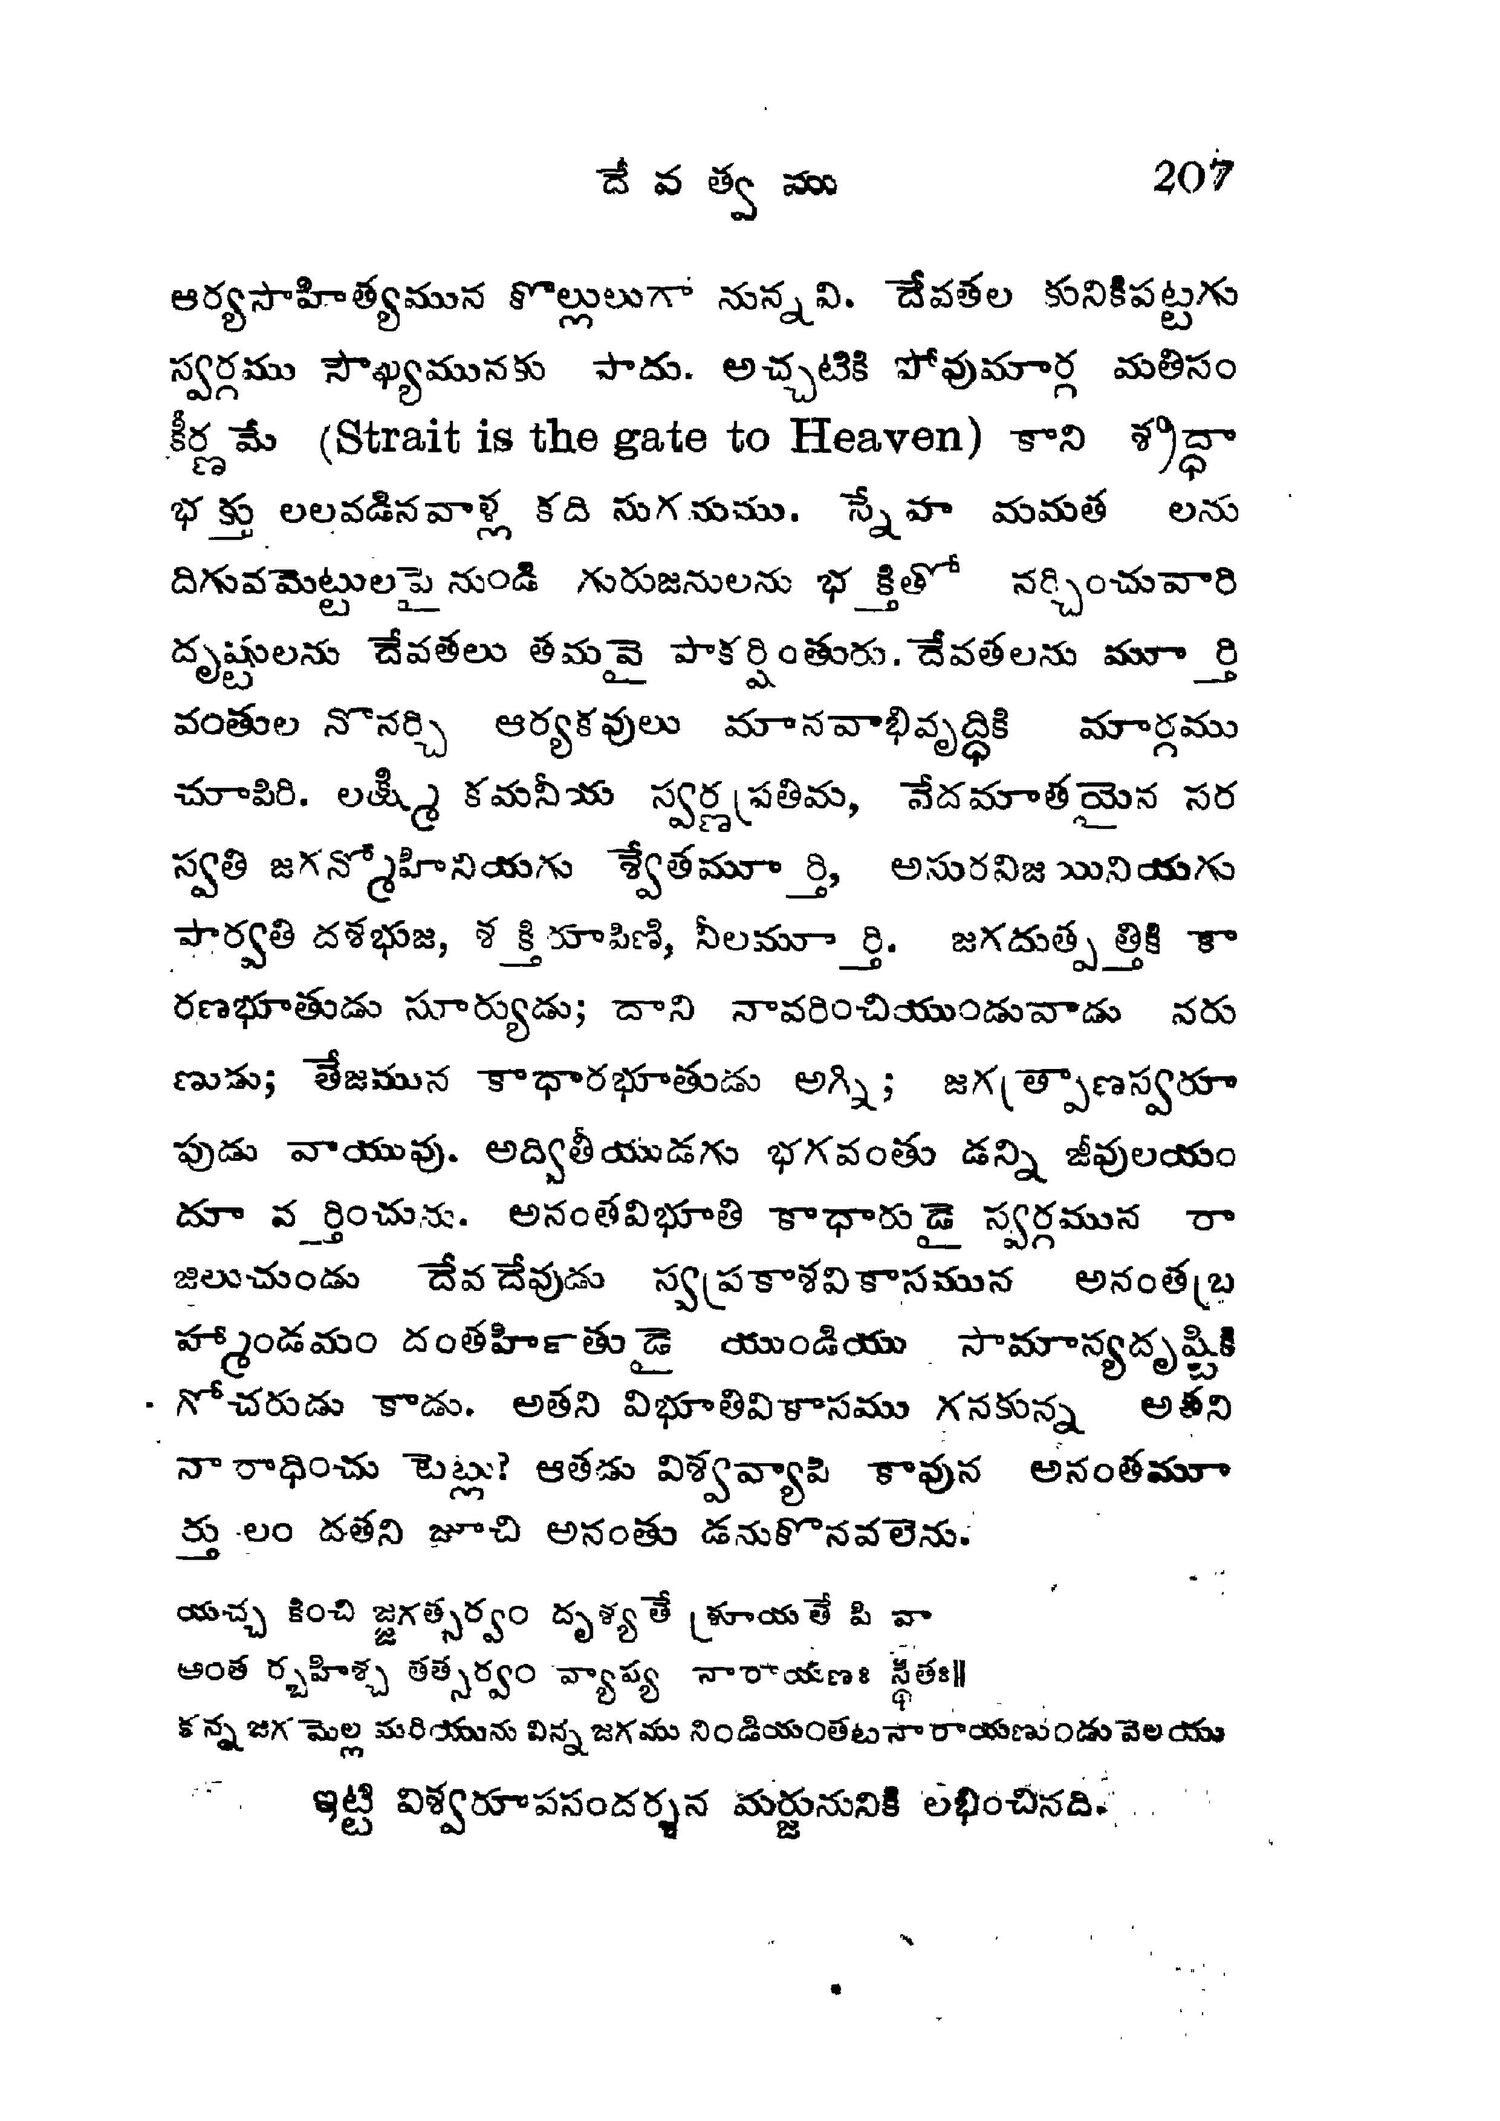ఆర్యసాహిత్యమున కొల్లులుగా నున్నవి. దేవతల కునికిపట్టగు స్వర్గము సౌఖ్యమునకు పాదు. అచ్చటికి పోవుమార్గ మతిసంకీర్ణమే (Strait is the gate to Heaven) కాని శ్రద్ధా భక్తు లలవడినవాళ్ల కది సుగమము. స్నేహ మమత లను దిగువమెట్టులపై నుండి గురుజనులను భక్తితో నర్చించువారి దృష్టులను దేవతలు తమవై పాకర్షింతురు. దేవతలను మూర్తివంతుల నొనర్చి ఆర్యకవులు మానవాభివృద్ధికి మార్గము చూపిరి. లక్ష్మి కమనీయ స్వర్ణప్రతిమ, వేదమాతయైన సరస్వతి జగన్మోహినియగు శ్వేతమూర్తి, అసురవిజయినియగు పార్వతి దశభుజ, శక్తిరూపిణి, నీలమూర్తి. జగదుత్పత్తికి కారణభూతుడు సూర్యుడు; దాని నావరించియుండువాడు వరుణుడు; తేజమున కాధారభూతుడు అగ్ని; జగత్ప్రాణస్వరూపుడు వాయువు. అద్వితీయుడగు భగవంతు డన్ని జీవులయందూ వర్తించును. అనంతవిభూతి కాధారుడై స్వర్గమున రాజిలుచుండు దేవదేవుడు స్వప్రకాశవికాసమున అనంతబ్రహ్మాండమం దంతహిన్‌తుడై యుండియు సామాన్యదృష్టికి గోచరుడు కాడు. అతని విభూతివికాసము గనకున్న అతని నారాధించు టెట్లు? ఆతడు విశ్వవ్యాపి కావున అనంతమూర్తు లం దతని జూచి అనంతు డనుకొనవలెను.

 యచ్చ కించి జ్జగత్సర్వం దృశ్యతే శ్రూయతే పి వా
 అంత ర్బహిశ్చ తత్సర్వం వ్యాప్య నారాయణ: స్థిత:||
 కన్న జగ మెల్ల మరియును విన్న జగము నిండియంతటనారాయణుండు వెలయు

ఇట్టి విశ్వరూపసందర్శన మర్జునునికి లభించినది.